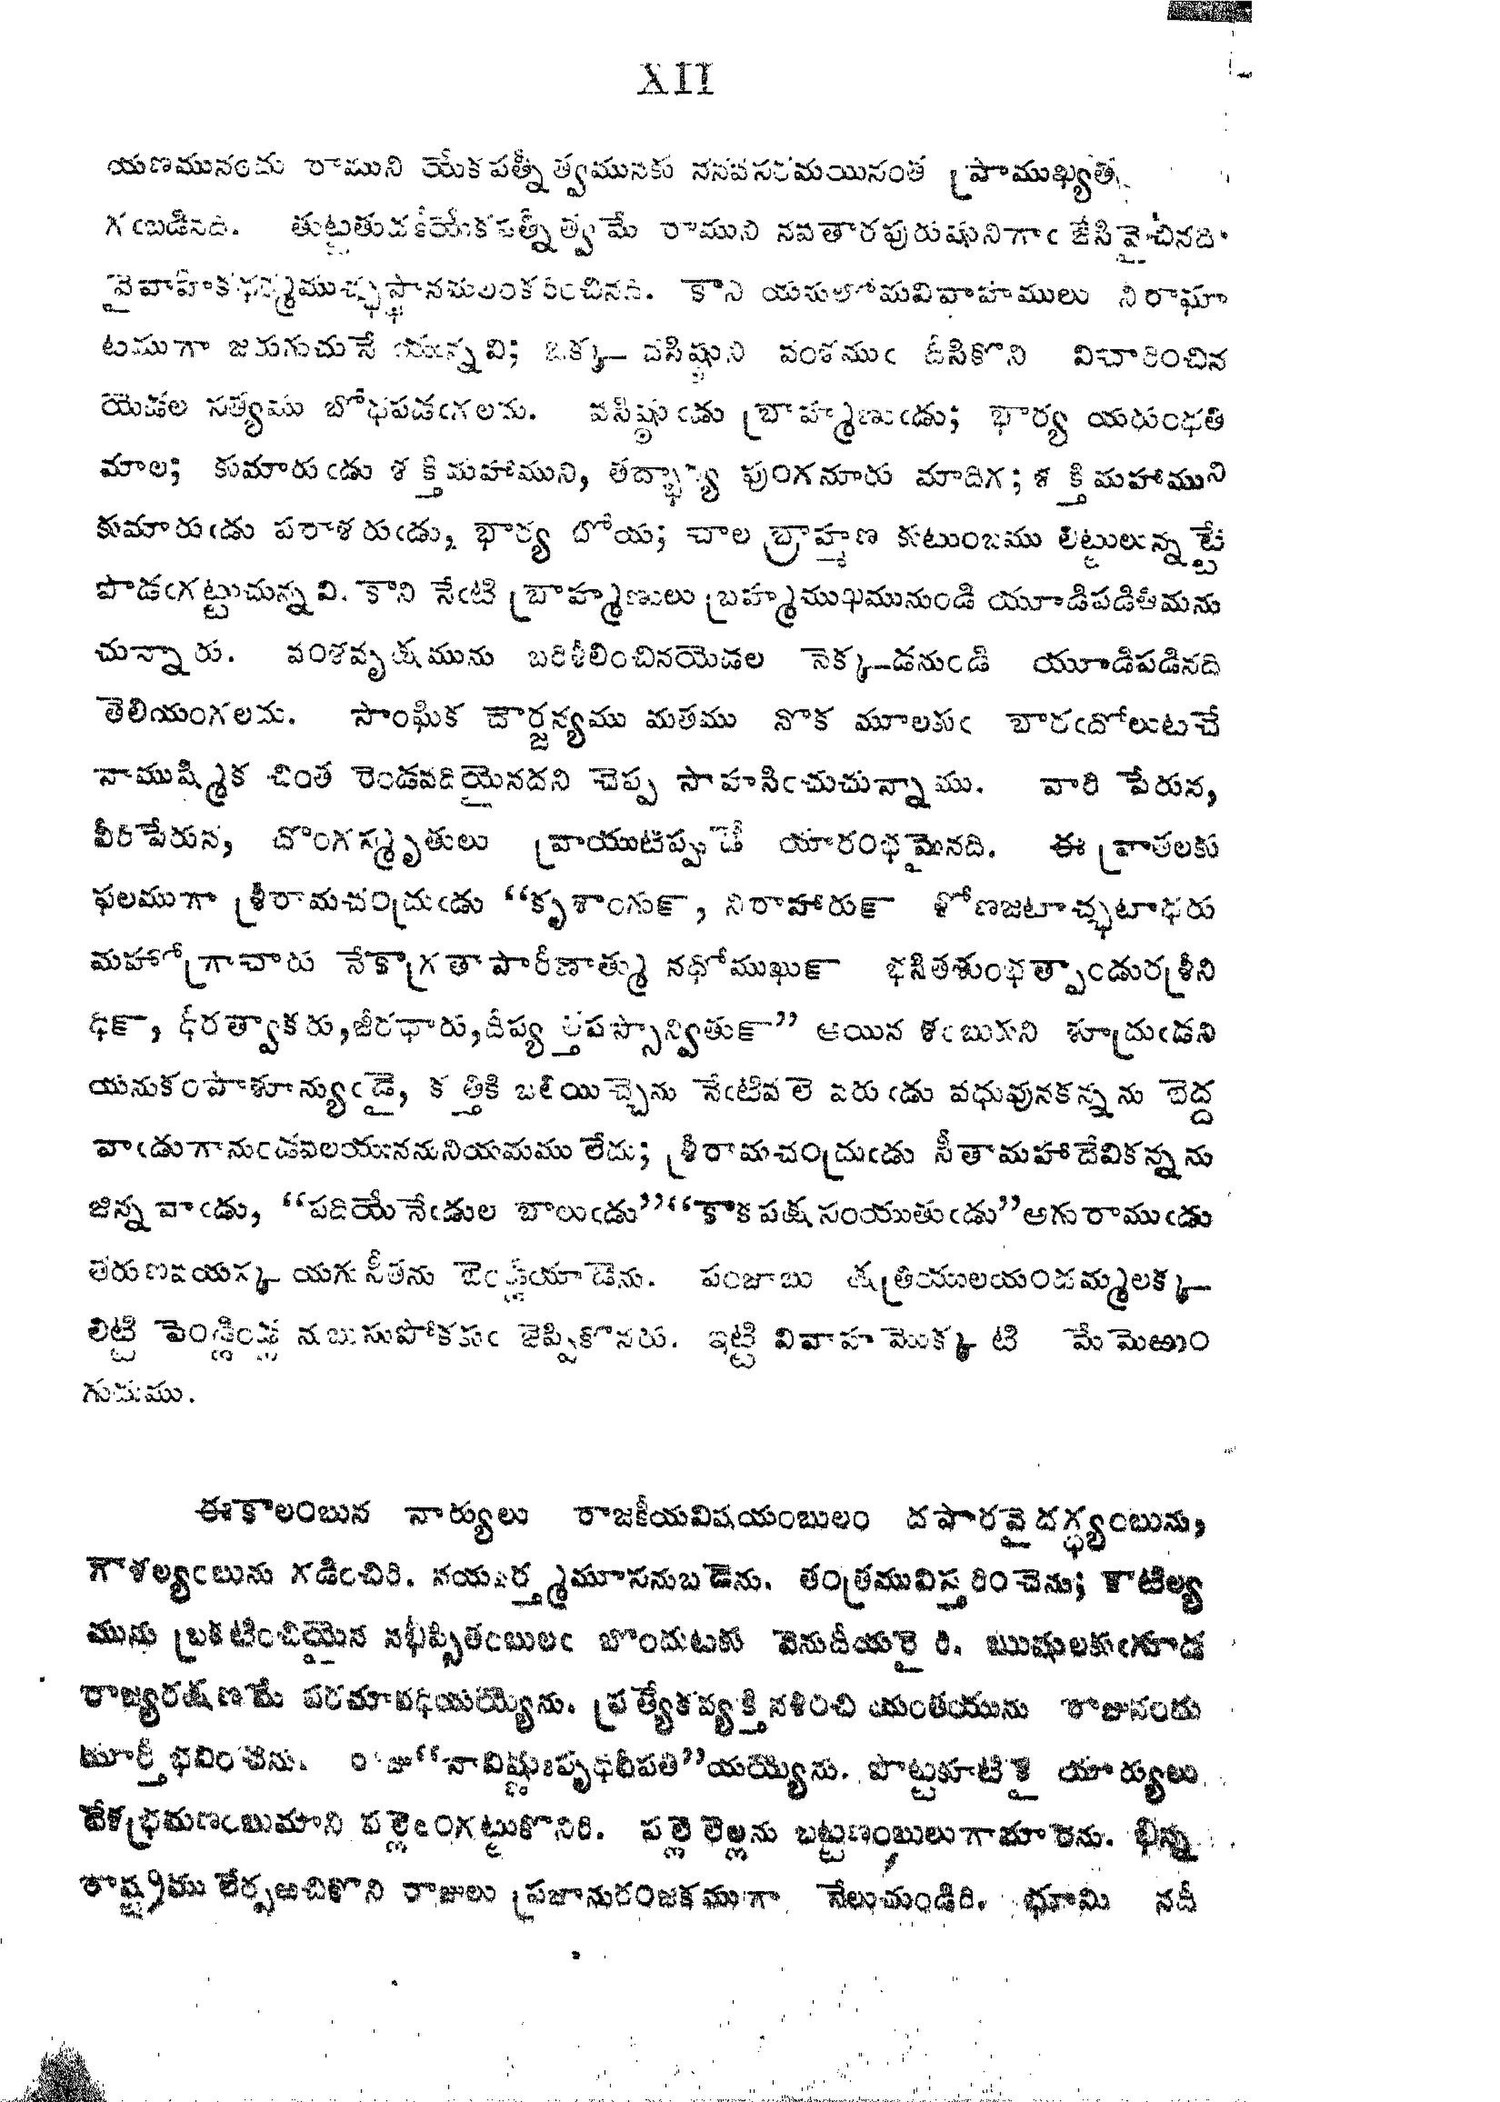యణమునందు రాముని యేక పత్నీ త్వముసకు నసవ సరమయినంత ప్రాముఖ్యత,
ఇవ్వ బడినది. తుట్టతుకీ యేక పత్నీత్వమే రాముని నవ తారపురుషునిగా: జేసివైచినది -
వైవాహక సముచ్ఛస్థానములంకరించినది. కాని యనులోమ వివాహములు నిరాఘా
టముగా జరుగుచునే యున్నవి; ఒక్క వశిస్టుని వంశముఁ దీసికొని విచారించిన
యెడల సత్యము బోధపడఁగలదు. వసిష్ఠుఁడు బ్రాహ్మణుడు; భార్య యరుంఢతి
మాల; కుమారుడు శక్తి మహాముని, తద్భార్య, పుంగనూరు మాదిగ; శ క్తి మహాముని
కుమారుఁడు పళరుఁడు, భార్య బోయ; చాల బ్రాహణ కుటుంబము లటులున్నట్టే
పొడఁగట్టుచున్నవి. కాని నేటి బ్రాహ్మణులు బ్రహ్మ ముఖమునుండి యూడిపడితి మను
చున్నారు. వంశవృక్షమును బరిశీలించినయెడల నెక్కడనుండి యూడిపడినది
తెలియంగలదు. సొంఘిక దౌర్జన్యము మతము నొక మూలకుఁ బారదోలుటచే
"నాముష్మిక చింత రెండవది యైనదని చెప్ప సాహసించుచున్నాము. వారి పేరున,
వీరి పేరుస, దొంగ స్మృతులు వ్రాయుటిప్పుడే యారంభ మైనది. ఈ వ్రాతలకు
ఫలముగా శ్రీరామచంద్రుఁడు “కృశాఁగున్ , నిరాహారున్ శోణజటాచ్ఛటాదరు
మహోగ్రచారు నేకాగ్ర తా పారీణాత్ము నధోముఖున్ భసితశుంభ త్ఫాండురశ్రీని
థిన్", ధీరత్వాకరు , జీరథారు, దీప్య ర్తప స్సాన్వితున్” ఆయిన శంబుకుని శూద్రుఁడని
యనుకంపాశూయుడై, కత్తికి బలియిచ్చెను నేఁటివలె వరుడు వధువునకన్నను పెద్ద
వాఁడుగా నుండవలయునను నియమము లేదు; శ్రీరామచంద్రుఁడు సీతామహా దేవికన్నను జిన్న వాఁడు, “పదియే నేఁడుల బాలుఁడు" కాక పక్ష సంయుతుఁడు” ఆగు రాముఁడు తరుణషయస్క యగుసీతను బెండ్లియాడెను. పంజాబు క్షత్రియుల యందమ్మలక్కలిట్టి పెండ్లిడ్లనుబుసుపోకకుఁ జెప్పికొనరు. ఇట్టి వివాహూ మొక్కటి
మేమెఱంగుదుము.

ఈ కాలంబున నార్యులు రాజకీయ విషయంబులం దపారవైదగ్ధ్యంబును ,
గౌశల్యంబును గడించిరి. నయర్త్మమూసనుబడెను, తంత్రము విస్తరించెను; కౌటిల్య
మును బ్రకటించి యైన సఖీప్సితంబులఁ బొందుటకు "వెనుదీయరైరి. ఋషులకు గూడ
రాజ్యరక్షణమే పరమావది యయ్యెను. ప్రత్యేక వ్యక్తి నశించి యంతయును 'రాజునందు
మూర్తి భవించెను. ఈ రాజు" విష్ణుః పృథరీపతి "యయ్యెను. పొట్టకూటికై యార్యులు
దేశ భ్రమణంబుమాని పల్లెలంగట్టుకొనిరి. పల్లెలెల్లను బట్టణంబులుగా మారెను. భిన్న
రాష్ట్రము లేర్పఱచికొని రాజులు ప్రజానురంజకముగా, నేలుచుండిరి. ' భూమి నదీ
,